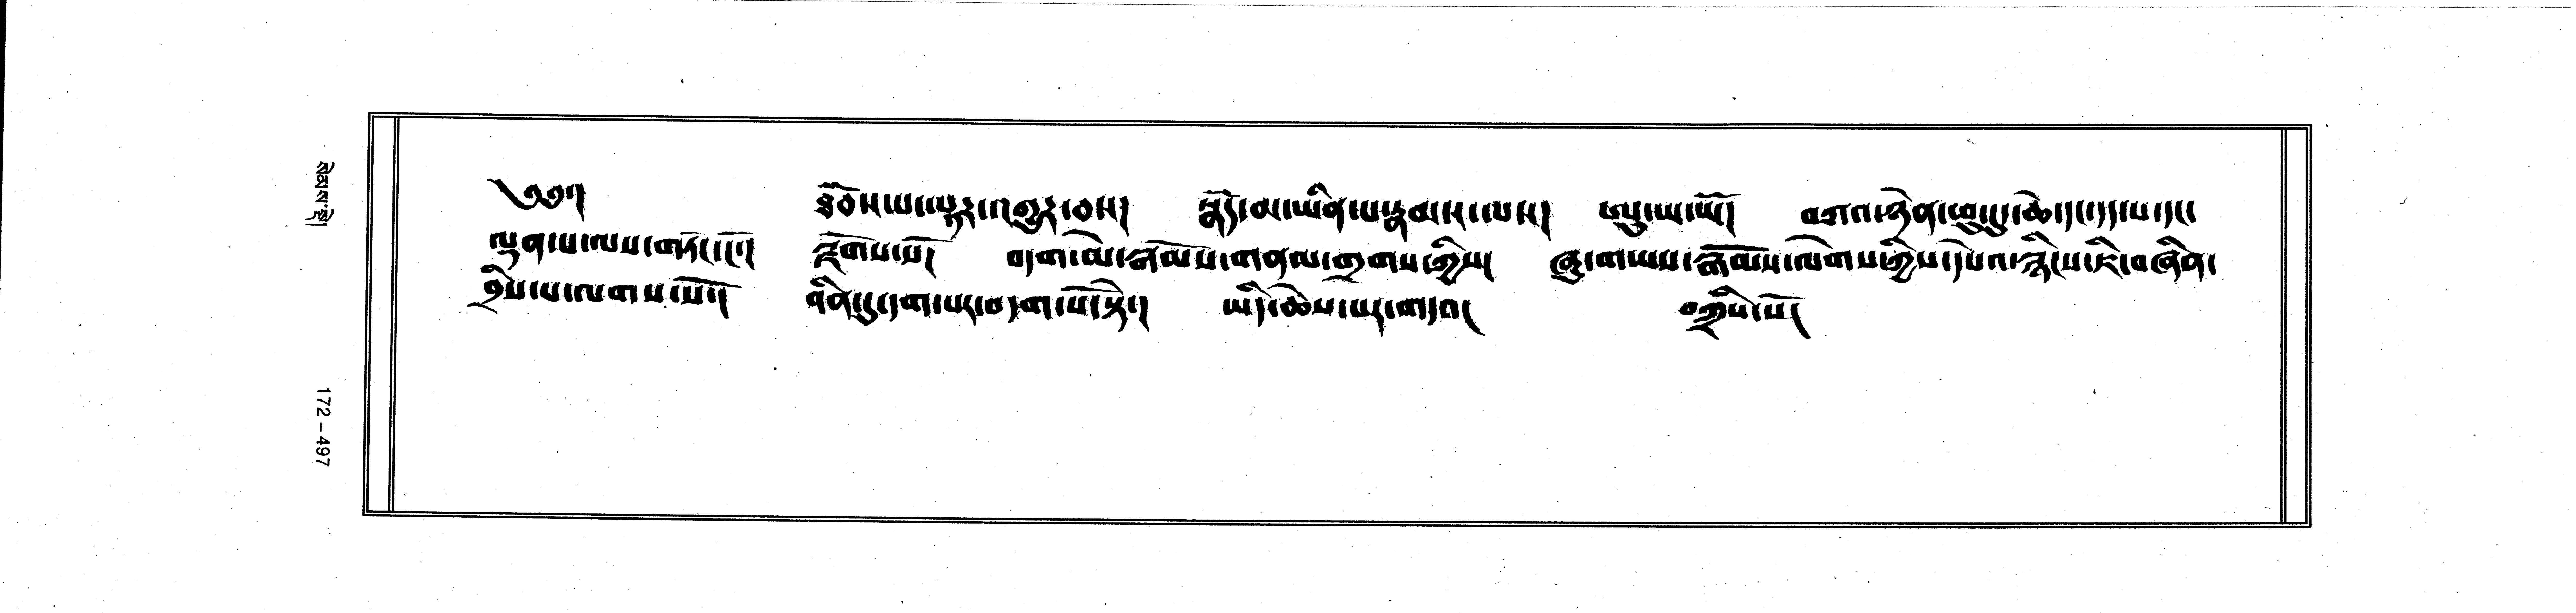ཐོབས་པ་ལྟར་འགྱུར་བས། སྣད་མ་ཡིན་པ་རྣམས་ལས། ཨུ་ཡ་ཡོ། བཀའ་ཉེན་ཕུ་དུད་ཆེ་བ་དང་དད་པ་དང་
ལྡན་པ་ལས་གཏོང་ངོ་། རྫོགས་སྭོ། བདག་མེ་སྒོམས་གནམ་གྲགས་ཀྱིས། ཞུ་གཡས་སྒོམས་ལེགས་ཀྱིས་དཔེའ་རྙིང་ཇི་བཞིན་
བྲིས་པ་ལགས་སོ། ཤིན་དུ་དག་པར་བདག་པོ་སྟེ། ཡིད་ཆེས་པར་གདའ། བཀྲ་ཤིས་སོ།